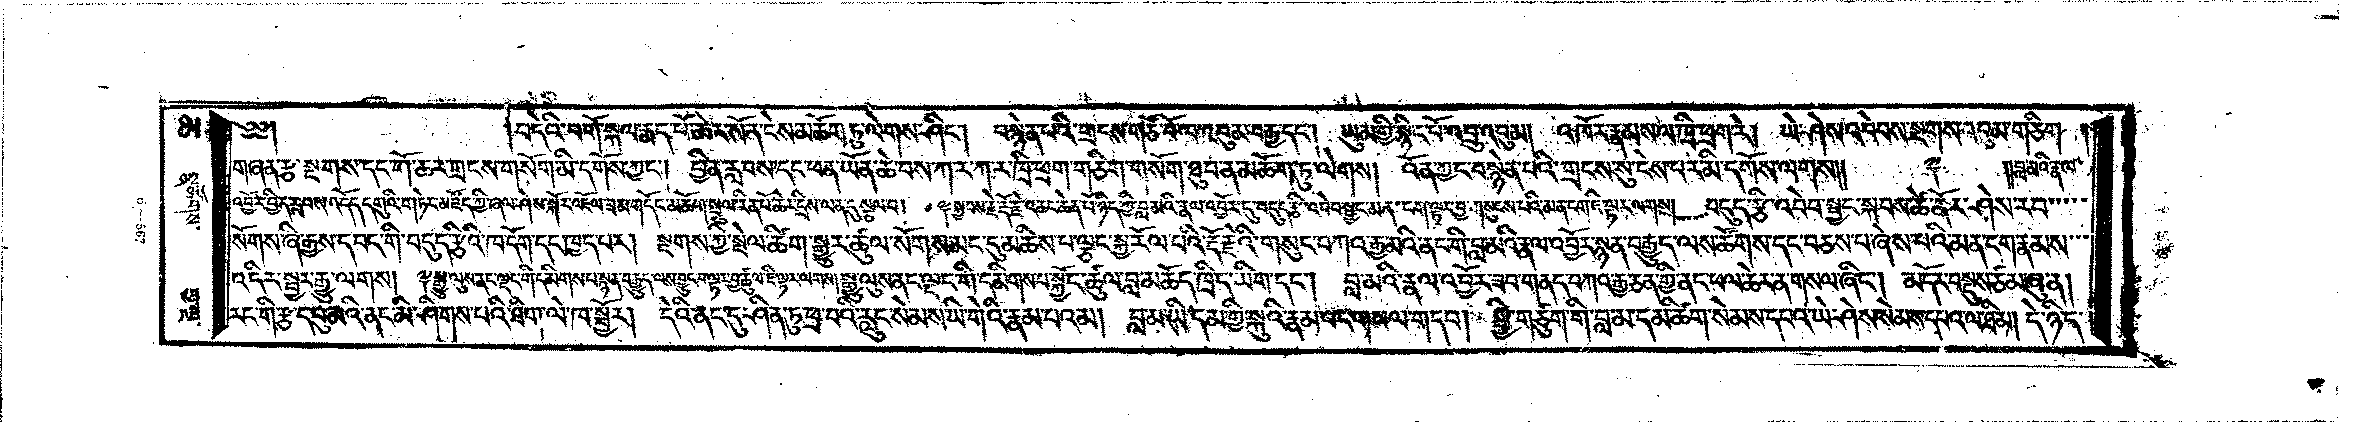༄༅། །བདེའི་བགོ་སྐལ་རྨད་པོ་ཆེར་སོན་ངེས་མཆོག་ཏུ་ལེགས་ཤིང་། བསྙེན་པའི་གྲངས་གཙོ་བོ་ལ་འབུམ་བརྒྱ་དང་། ཡུམ་གྱི་སྙིང་པོ་འབྲུ་འབུམ། འཁོར་རྣམས་ལ་ཁྲི་ཕྲག་རེ། ཡེ་ཤེས་འབེབས་སྔགས་འབུམ་གཅིག །
གཞན་རྩ་སྔགས་དང་གོ་ཆར་གྲངས་གསོག་མི་དགོས་ཀྱང་། བྱིན་རླབས་དང་ཕན་ཡོན་ཆེ་བས་ཀ་ར་ཀ་ར་ཁྲི་ཕྲག་གཅིག་གསོག་ཐུབ་ན་མཆོག་ཏུ་ལེགས། འོན་ཀྱང་བསྙེན་པའི་གྲངས་སུ་ངེས་པ་མི་དགོས་ལགས།། ༈ །།བླ་མའི་རྣལ་
འབྱོར་བྱིན་རླབས་འདོད་དགུའི་གཏེང་མཛོད་ཀྱི་ཞལ་ཤེས་སྐོར་འཇོལ་ཟམ་གདོང་མཆོག་སྤྲུལ་རིན་པོ་ཆེར་དྲིས་ལན་དུ་སྩལ་བ། ༈ སྐྱབས་རྗེ་རྡོ་རྗེ་འཆང་ཆེན་པོ་ཉིད་ཀྱི་བླ་མའི་རྣལ་འབྱོར་དུ་བདུད་རྩི་འབེབ་སྦྱང་མན་ངག་ལྟར་བྱ་གསུངས་པའི་མན་ངག་ཇི་ལྟར་ལགས་བདུད་རྩི་འབེབ་སྦྱང་སྐབས་ཚེ་ནོར་ཤེས་རབ་
སོགས་ཞི་རྒྱས་དབང་གི་བདུད་རྩིའི་ཁ་དོག་དང་ཁྱད་པར། སྔགས་ཀྱི་སྦེལ་ཚིག་སྒྱུར་ཚུལ་སོགས་མང་དུ་མཆིས་པ་ལྕང་སྐྱ་རོལ་པའི་རྡོ་རྗེའི་གསུང་བཀའ་རྒྱ་མའི་ནང་གི་བླ་མའི་རྣལ་འབྱོར་སྙན་བརྒྱུད་ལས་ཚོགས་དང་བཅས་པ་ཞེས་པའི་མན་ངག་རྣམས་
འདིར་སྦྱར་རྒྱུ་ལགས། ༈ སྒྱུ་ལུས་ནང་ལྡང་གི་དམིགས་པ་སྙན་བརྒྱུད་ལས་བྱུང་བ་ལྟར་བྱ་ཚུལ་ཇི་ལྟར་ལགས།  སྒྱུ་ལུས་ནང་ལྡང་གི་དམིགས་པ་སྐྱོང་ཚུལ་བླ་མཆོད་ཁྲིད་ཡིག་དང་། བླ་མའི་རྣལ་འབྱོར་ཟབ་གནད་བཀའ་རྒྱ་ཅན་གྱི་ནང་ཕལ་ཆེར་ན་གསལ་ཞིང་། མདོར་བསྡུས་ཙམ་ཞུ་ན།
རང་གི་རྩ་དབུ་མའི་ནང་མི་ཤིགས་པའི་ཐིག་ལེ་ཁ་སྦྱོར། དེའི་ནང་དུ་ཤིན་ཏུ་ཕྲ་བའི་རླུང་སེམས་ཡི་གེའི་རྣམ་པའམ། བླ་མ་ཡི་དམ་གྱི་སྐུའི་རྣམ་པར་གསལ་གདབ། སྤྱི་གཙུག་གི་བླ་མ་དམ་ཚིག་སེམས་དཔའ་ཡེ་ཤེས་སེམས་དཔའ་ལ་ཐིམ། དེ་ཉིད་